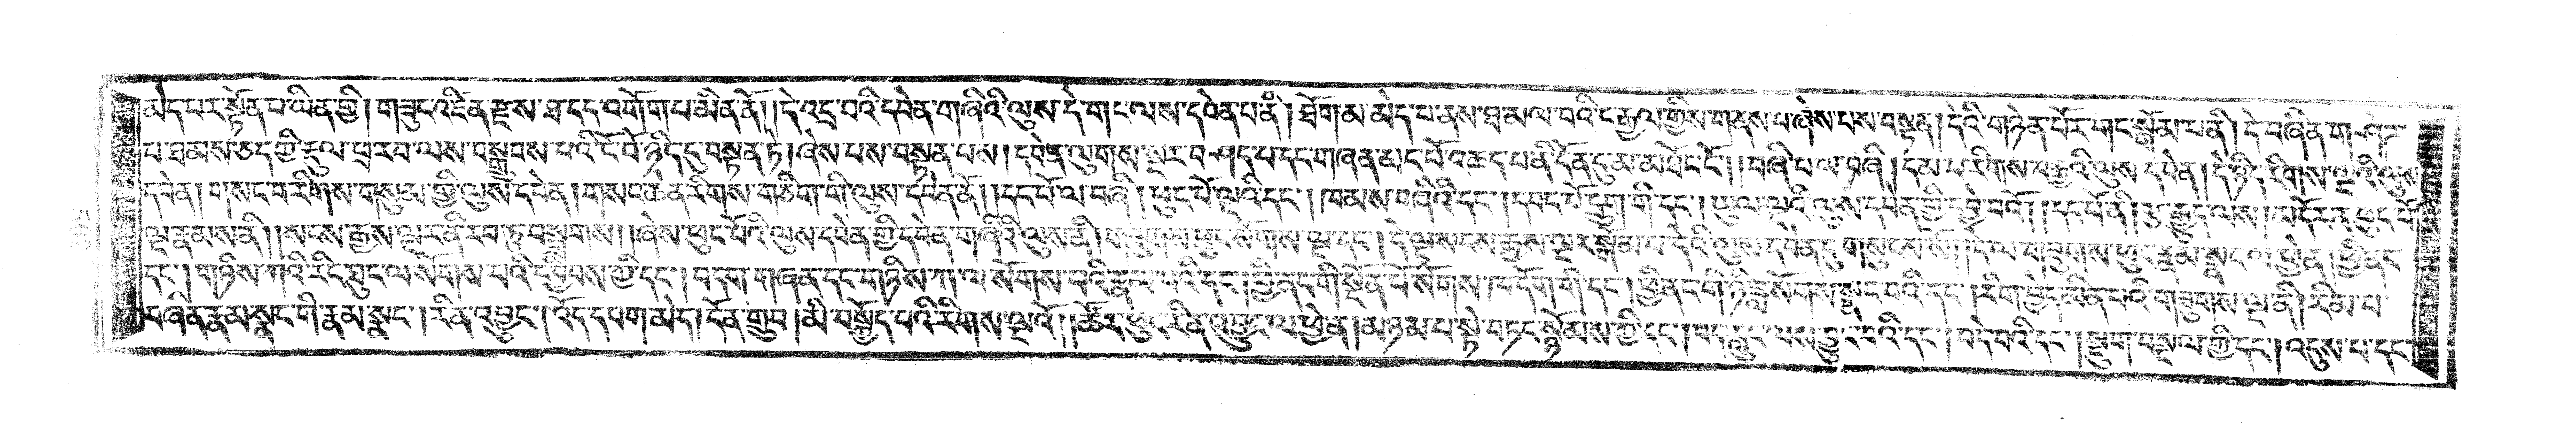མེད་པར་སྟོན་པ་ཡིན་གྱི། གཟུང་འཛིན་རྫས་ཐ་དད་འགོག་པ་མིན་ནོ། །དེ་འདྲ་བའི་དབེན་གཞིའི་ལུས་དེ་གང་ལས་དབེན་པ་ནི། ཐོག་མ་མེད་པ་ནས་ཐ་མལ་བའི་ང་རྒྱལ་གྱིས་གནས་པ་ཞེས་པས་བསྟན། དེའི་གཉེན་པོར་གང་སྒོམ་པ་ནི། དེ་བཞིན་གཤེགས་
པ་ཐམས་ཅད་ཀྱི་རྡུལ་ཕྲ་རབ་ལས་བསྒྲུབས་པའི་ངོ་བོ་ཉིད་དུ་བསྟན་ཏེ། ཞེས་པས་བསྟན་པས། དབེན་ལུགས་སྔར་བཤད་པ་དང་གཞན་མང་པོ་འཆད་པ་ནི་དོན་དུ་མ་མཐོང་ངོ། །བཞི་པ་ལ་བཞི། དམ་པ་རིགས་བརྒྱའི་ལུས་དབེན། དེ་ཉིད་རིགས་ལྔའི་ལུས་
དབེན། གསང་བ་རིགས་གསུམ་གྱི་ལུས་དབེན། གསང་ཆེན་རིགས་གཅིག་གི་ལུས་དབེན་ནོ། །དང་པོ་ལ་བཞི། ཕུང་པོ་ལྔའི་དང་། ཁམས་བཞིའི་དང་། དབང་པོ་དྲུག་གི་དང་། ཡུལ་ལྔའི་ལུས་དབེན་གྱི་དབྱེ་བའོ། །དང་པོ་ནི། རྩ་རྒྱུད་ལས། མདོར་ན་ཕུང་པོ་
ལྔ་རྣམས་ནི། །སངས་རྒྱས་ལྔར་ནི་རབ་ཏུ་བསྒྲགས། །ཞེས་ཕུང་པོའི་ལུས་དབེན་གྱི་དབེན་གཞིའི་ལུས་ནི། གཟུགས་ཕུང་སོགས་ལྔ་དང་། དེ་ལྔ་སངས་རྒྱས་ལྔར་སྒོམ་པ་དེའི་ལུས་དབེན་དུ་གསུངས་སོ། །དེ་ལ་གཟུགས་ཕུང་རྣམ་སྣང་ལ་ཕྱེ་ན། ཕྱི་ནང་
དང་། གཉིས་ཀའི་རིང་ཐུང་ལ་སོགས་པའི་དབྱིབས་ཀྱི་དང་། བདག་གཞན་དང་གཉིས་ཀ་ལ་སོགས་པའི་རྣམ་པའི་དང་། ཕྱི་ནང་གི་སྔོན་པོ་སོགས་ཁ་དོག་གི་དང་། ཕྱི་ནང་གི་ཉི་ཟླ་སོགས་སྣང་བའི་དང་། རིག་བྱེད་མིན་པའི་གཟུགས་ལྔ་ནི། རིམ་པ་
བཞིན་རྣམ་སྣང་གི་རྣམ་སྣང་། རིན་འབྱུང་། འོད་དཔག་མེད། དོན་གྲུབ། མི་བསྐྱོད་པའི་རིགས་ལྔའོ། །ཚོར་ཕུང་རིན་འབྱུང་ལ་ཕྱེ་ན། མཉམ་པ་སྟེ་བཏང་སྙོམས་ཀྱི་དང་། བད་རླུང་ལས་བྱུང་བའི་དང་། བདེ་བའི་དང་། སྡུག་བསྔལ་གྱི་དང་། འདུས་པ་དང་